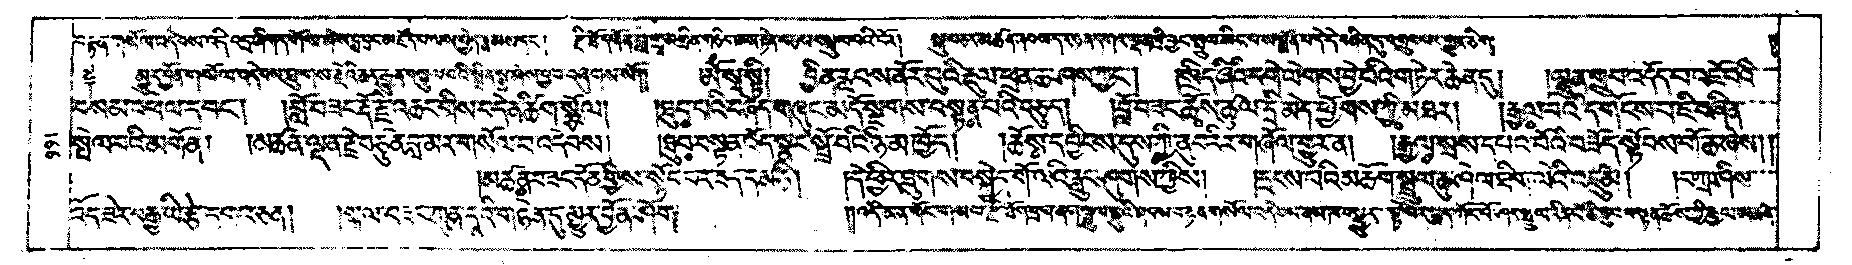བརྟན་གསོལ་འདེབས་འདི་འདྲ་ཞིག་དགོས་ཞེས་བླ་བྲང་མཛོད་པ་ལས་བྱེད་རྣམས་དང་། རྫི་ཐོ་དགོན་བླ་གྲྭ་མགྲིན་གཅིག་ནས་རྟེན་བཅས་བསྐུལ་བའི་ངོར། སྐུ་བཅར་མཚན་ཞབས་དར་ཧན་དགའ་ལྡན་ཁྲི་བྱང་སྤྲུལ་མིང་པས་སྨོན་པ་དེ་དེ་བཞིན་དུ་འགྲུབ་པར་གྱུར་ཅིག ། །།
༈ མྱུར་བྱོན་གསོལ་འདེབས་ཐུགས་རྗེའི་ཆར་རྒྱུན་བསྐུལ་བའི་སྤྲིན་སྒྲ་ཞེས་བྱ་བ་བཞུགས་སོ།། ཨོཾ་སྭ་སྟི། བྱིན་རླབས་ནོར་བུའི་རྡུལ་ཕྲན་ཆ་ཤས་ཀྱང་། །སྲིད་ཞིའི་དགེ་ལེགས་བྱེ་བའི་གཏེར་ཆེན་དུ། །ལྷུན་གྲུབ་འདོད་པ་འཇོ་བའི་
བསམ་འཕེལ་དབང་། །བློ་བཟང་རྡོ་རྗེ་འཆང་གིས་བདེན་ཚིག་སྩོལ། །ཐུབ་པའི་བཞེད་གཞུང་མདོ་སྔགས་བསྟན་པའི་བཙུད། །བློ་བཟང་ཆོས་ཚུལ་དྲི་མེད་ཕྱོགས་ཀྱི་མཐར། །རྒྱལ་བའི་དགོངས་པ་ཇི་བཞིན་
སྤེལ་བའི་མགོན། །མཚན་ལྡན་རྗེ་བཙུན་བླ་མར་གསོལ་བ་འདེབས། །ཐུབ་བསྟན་འོད་སྣང་སྤྲོ་བའི་ཉི་མ་ཁྱོད། །ཆོས་དབྱིངས་དུས་ཀྱི་ནུབ་རིར་གཞོལ་གྱུར་ན། །རྒྱལ་སྲས་དཔའ་བོའི་བཟོད་སྟོབས་གོ་ཆ་ཞེས། །
།མཚན་བཟང་དོན་གྱིས་སྟོང་པར་ཟད་དམ་ཅི། །དེ་ཕྱིར་ཐུགས་བསྐྱེད་གོ་ལའི་རླུང་ཤུགས་ཀྱིས། །དྲངས་པའི་མཆོག་སྤྲུལ་ཆུ་ཤེལ་ཐིག་ལེའི་འཛུམ། །བཀྲ་ཤིས་
འོད་ཟེར་བརྒྱ་ཡི་རྩེ་དགའ་ཅན། །སྐལ་བཟང་ཀུན་དཱའི་གཉེན་དུ་མྱུར་བྱོན་ཤོག ། །།འདི་མན་གོང་གསལ་རྫི་ཐོག་བྲག་ནག་སྤྲུལ་སྐུའི་ཞབས་བརྟན་གསོལ་འདེབས་ནས་ཁ་བསྒྱུར་སྟེ་སེར་སྨད་ཀོང་པོ་ཤར་སྤྲུལ་རིན་པོ་ཆེ་ཐུབ་བསྟན་ཆོས་ཀྱི་རྒྱལ་མཚན་